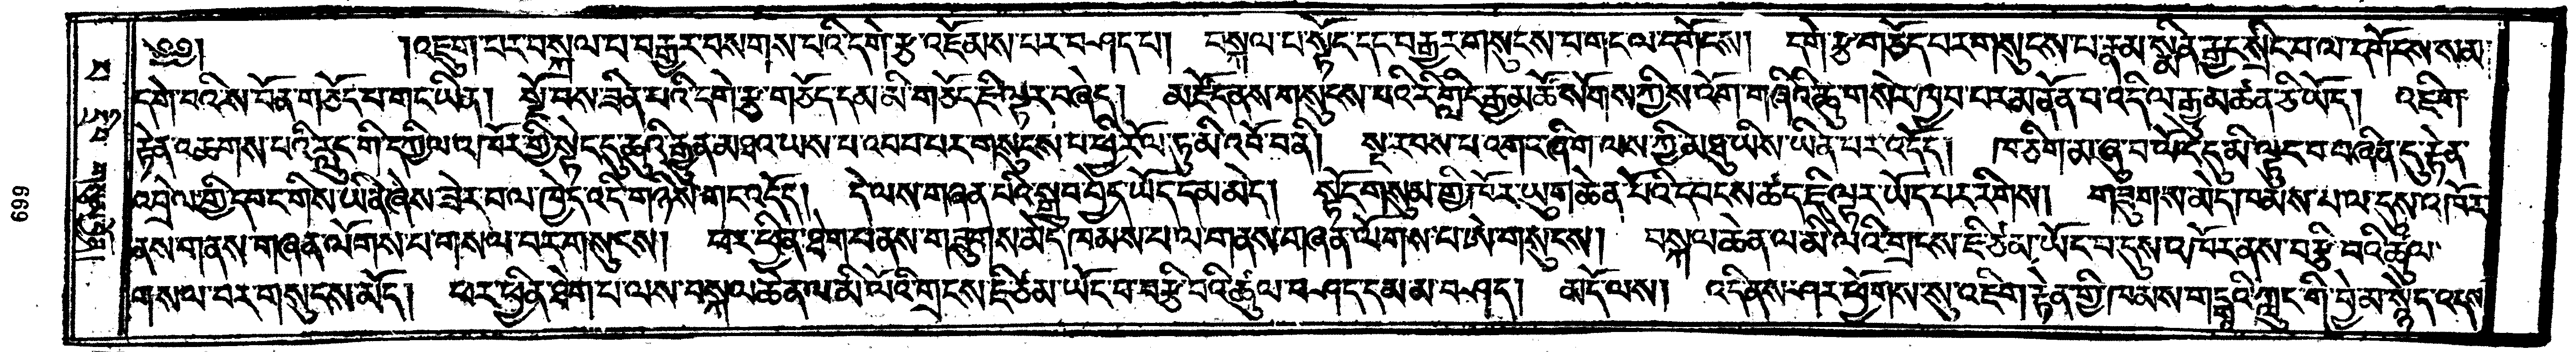༄༅། །འཇུག་པར་བསྐལ་པ་བརྒྱར་བསགས་པའི་དགེ་རྩ་འཇོམས་པར་བཤད་པ། བསྐལ་པ་སྟོང་དང་བརྒྱར་གསུངས་པ་གང་ལ་དགོངས། དགེ་རྩ་གཅོད་པར་གསུངས་པ་རྣམ་སྨིན་རྒྱང་སྲིང་བ་ལ་དགོངས་སམ་
དགེ་བའི་ས་བོན་གཅོད་པ་གང་ཡིན། སྔོ་བས་ཟིན་པའི་དགེ་རྩ་གཅོད་དམ་མི་གཅོད་ཇི་ལྟར་བཞེད། མཛོད་ནས་གསུངས་པའི་རི་གླིང་རྒྱ་མཚོ་སོགས་ཀྱིས་འོག་གཞིའི་ཆུ་གསེར་ཁྱབ་པར་མནོན་པ་འདི་ལ་རྒྱུ་མཚན་ཅི་ཡོད། འཇིག་
རྟེན་འཆགས་པའི་རླུང་གི་དཀྱིལ་འཁོར་གྱི་སྟེང་དུ་ཆུའི་རྒྱུན་མཐའ་ཡས་པ་འབབ་པར་གསུངས་པ་ཕྱི་རོལ་ཏུ་མི་འབོ་བ་ནི། སྔ་རབས་པ་འགའ་ཞིག་ལས་ཀྱི་མཐུ་ཡིས་ཡིན་པར་འདོད། ཁ་ཅིག་མ་ཞུ་བ་ལོང་དུ་མི་ལྟུང་བ་བཞིན་དུ་རྟེན་
འབྲེལ་གྱི་དབང་གིས་ཡིན་ཞེས་ཟེར་བ་ལ་ཁྱེད་འདི་གཉིས་གང་འདོད། དེ་ལས་གཞན་པའི་སྒྲུབ་བྱེད་ཡོད་དམ་མེད། སྟོང་གསུམ་གྱི་ཁོར་ཡུག་ཆེན་པོའི་དབངས་ཚད་ཇི་ལྟར་ཡོད་པར་རིགས། གཟུགས་མེད་ཁམས་པ་ལ་དུས་འཁོར་
ནས་གནས་གཞན་ལོགས་པ་གསལ་བར་གསུངས། ཕར་ཕྱིན་ཐེག་པ་ནས་གཟུགས་མེད་ཁམས་པ་ལ་གནས་གཞན་ལོགས་པ་ཨེ་གསུངས། བསྐལ་ཆེན་ལ་མི་ལའི་གྲངས་ཇི་ཙམ་ཡོང་བ་དུས་འཁོར་ནས་བརྩི་བའི་ཚུལ་
གསལ་བར་གསུངས་མོད། ཕར་ཕྱིན་ཐེག་པ་ལས་བསྐལ་ཆེན་ལ་མི་ལོའི་གྲངས་ཇི་ཙམ་ཡོང་བ་བརྩི་བའི་ཚུལ་བཤད་དམ་མ་བཤད། མདོ་ལས། འདི་ནས་ཤར་ཕྱོགས་སུ་འཇིག་རྟེན་གྱི་ཁམས་གདྒཱའི་ཀླུང་གི་བྱེ་མ་སྙེད་འདས་